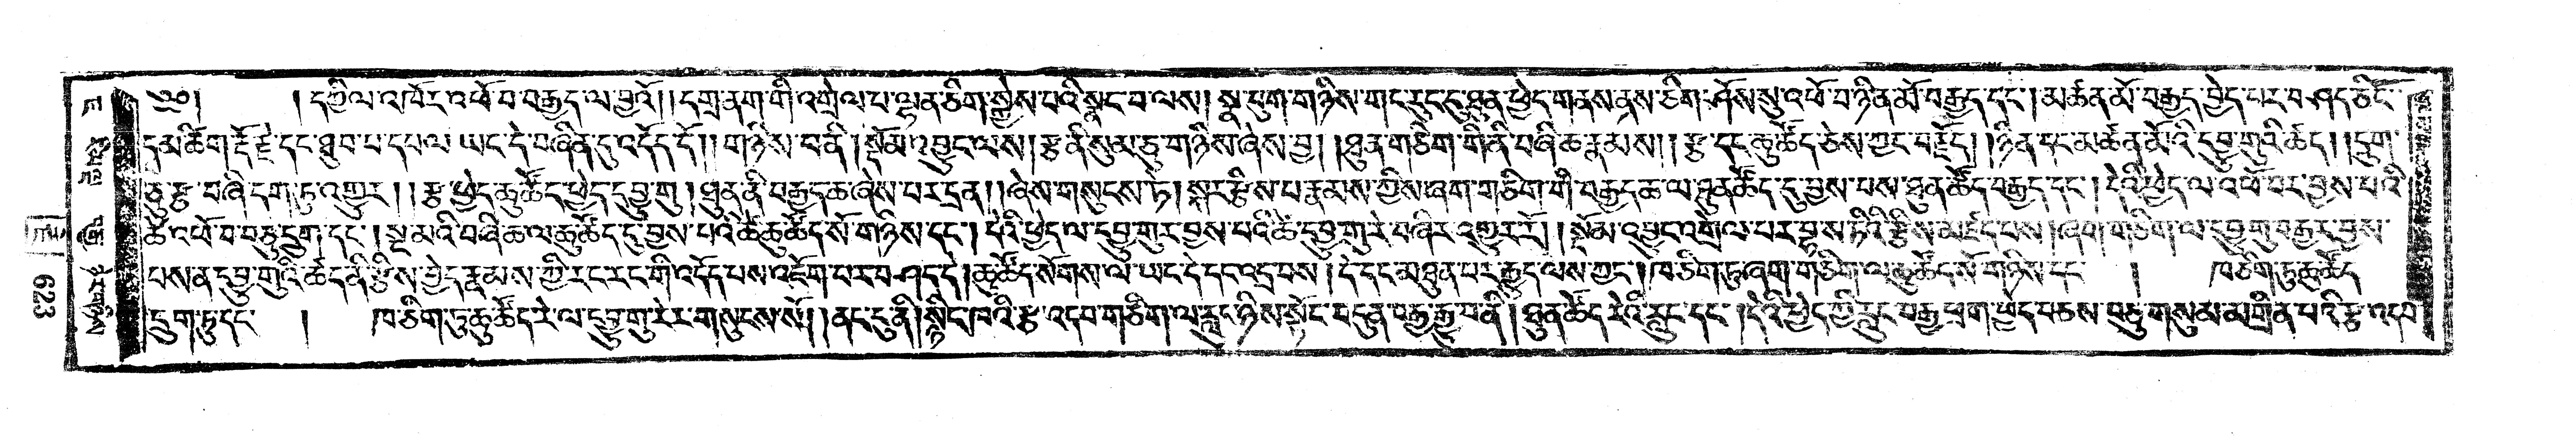༄༅། །དཀྱིལ་འཁོར་འཕོ་བ་བརྒྱད་ལ་བྱའོ། །དགྲ་ནག་གི་འགྲེལ་པ་ལྷན་ཅིག་སྐྱེས་པའི་སྣང་བ་ལས། སྣ་བུག་གཉིས་གང་རུང་དུ་ཐུན་ཕྱེད་གནས་ནས་ཅིག་ཤོས་སུ་འཕོ་བ་ཉིན་མོ་བརྒྱད་དང་། མཚན་མོ་བརྒྱད་བྱེད་པར་བཤད་ཅིང་
དམ་ཚིག་རྡོ་རྗེ་དང་ཐུབ་པ་དཔལ་ཡང་དེ་བཞིན་དུ་འདོད་དོ། །གཉིས་པ་ནི། སྡོམ་འབྱུང་ལས། རྩ་ནི་སུམ་ཅུ་གཉིས་ཞེས་བྱ། །ཐུན་གཅིག་གི་ནི་བཞི་ཆ་རྣམས། །རྩ་དང་ཆུ་ཚོད་ཅེས་ཀྱང་བརྗོད། །ཉིན་དང་མཚན་མོའི་དབྱུ་གུའི་ཚད། །དྲུག་
ཅུ་རྩ་བཞི་དག་ཏུ་འགྱུར། །རྩ་ཕྱེད་ཆུ་ཚོད་ཕྱེད་དབྱུ་གུ །ཐུན་ནི་བརྒྱད་ཆ་ཞེས་པར་དྲན། །ཞེས་གསུངས་ཏེ། སྐར་རྩིས་པ་རྣམས་ཀྱིས་ཞག་གཅིག་གི་བརྒྱད་ཆ་ལ་ཐུན་ཚོད་དུ་བྱས་པས་ཐུན་ཚོད་བརྒྱད་དང་། དེའི་ཕྱེད་ལ་འཕོ་བར་བྱས་པའི་
ཚེ་འཕོ་བ་བཅུ་དྲུག་དང་། སྔ་མའི་བཞི་ཆ་ལ་ཆུ་ཚོད་དུ་བྱས་པའི་ཚེ་ཆུ་ཚོད་སོ་གཉིས་དང་། དེའི་ཕྱེད་ལ་དབྱུ་གུར་བྱས་པའི་ཚེ་དབྱུ་གུ་རེ་བཞིར་འགྱུར་རོ། །སྡོམ་འབྱུང་འགྲེལ་པར་བྷ་ས་ཏིའི་རྩིས་མཛད་པས། ཞག་གཅིག་ལ་དབྱུ་གུ་བརྒྱར་བྱས་
པས་ན་དབྱུ་གུའི་ཚད་ནི་རྩིས་བྱེད་རྣམས་ཀྱི་རང་རང་གི་འདོད་པས་འཇོག་པར་བཤད་དེ། ཆུ་ཚོད་སོགས་ལ་ཡང་དེ་དང་འདྲ་བས། དེ་དང་མཐུན་པར་རྒྱུད་ལས་ཀྱང་། ཁ་ཅིག་ཏུ་ཞག་གཅིག་ལ་ཆུ་ཚོད་སོ་གཉིས་དང་། ཁ་ཅིག་ཏུ་ཆུ་ཚོད་
དྲུག་ཅུ་དང་།ཁ་ཅིག་ཏུ་ཆུ་ཚོད་རེ་ལ་དབྱུ་གུ་རེར་གསུངས་སོ། །ནང་དུ་ནི། སྙིང་ཁའི་རྩ་འདབ་གཅིག་ལ་རླུང་ཉིས་སྟོང་བདུན་བརྒྱ་རྒྱུ་བ་ནི། ཐུན་ཚོད་རེའི་རླུང་དང་། དེའི་ཕྱེད་ཀྱི་རླུང་བརྒྱ་ཕྲག་ཕྱེད་བཅས་བཅུ་གསུམ་མགྲིན་པའི་རྩ་འདབ་